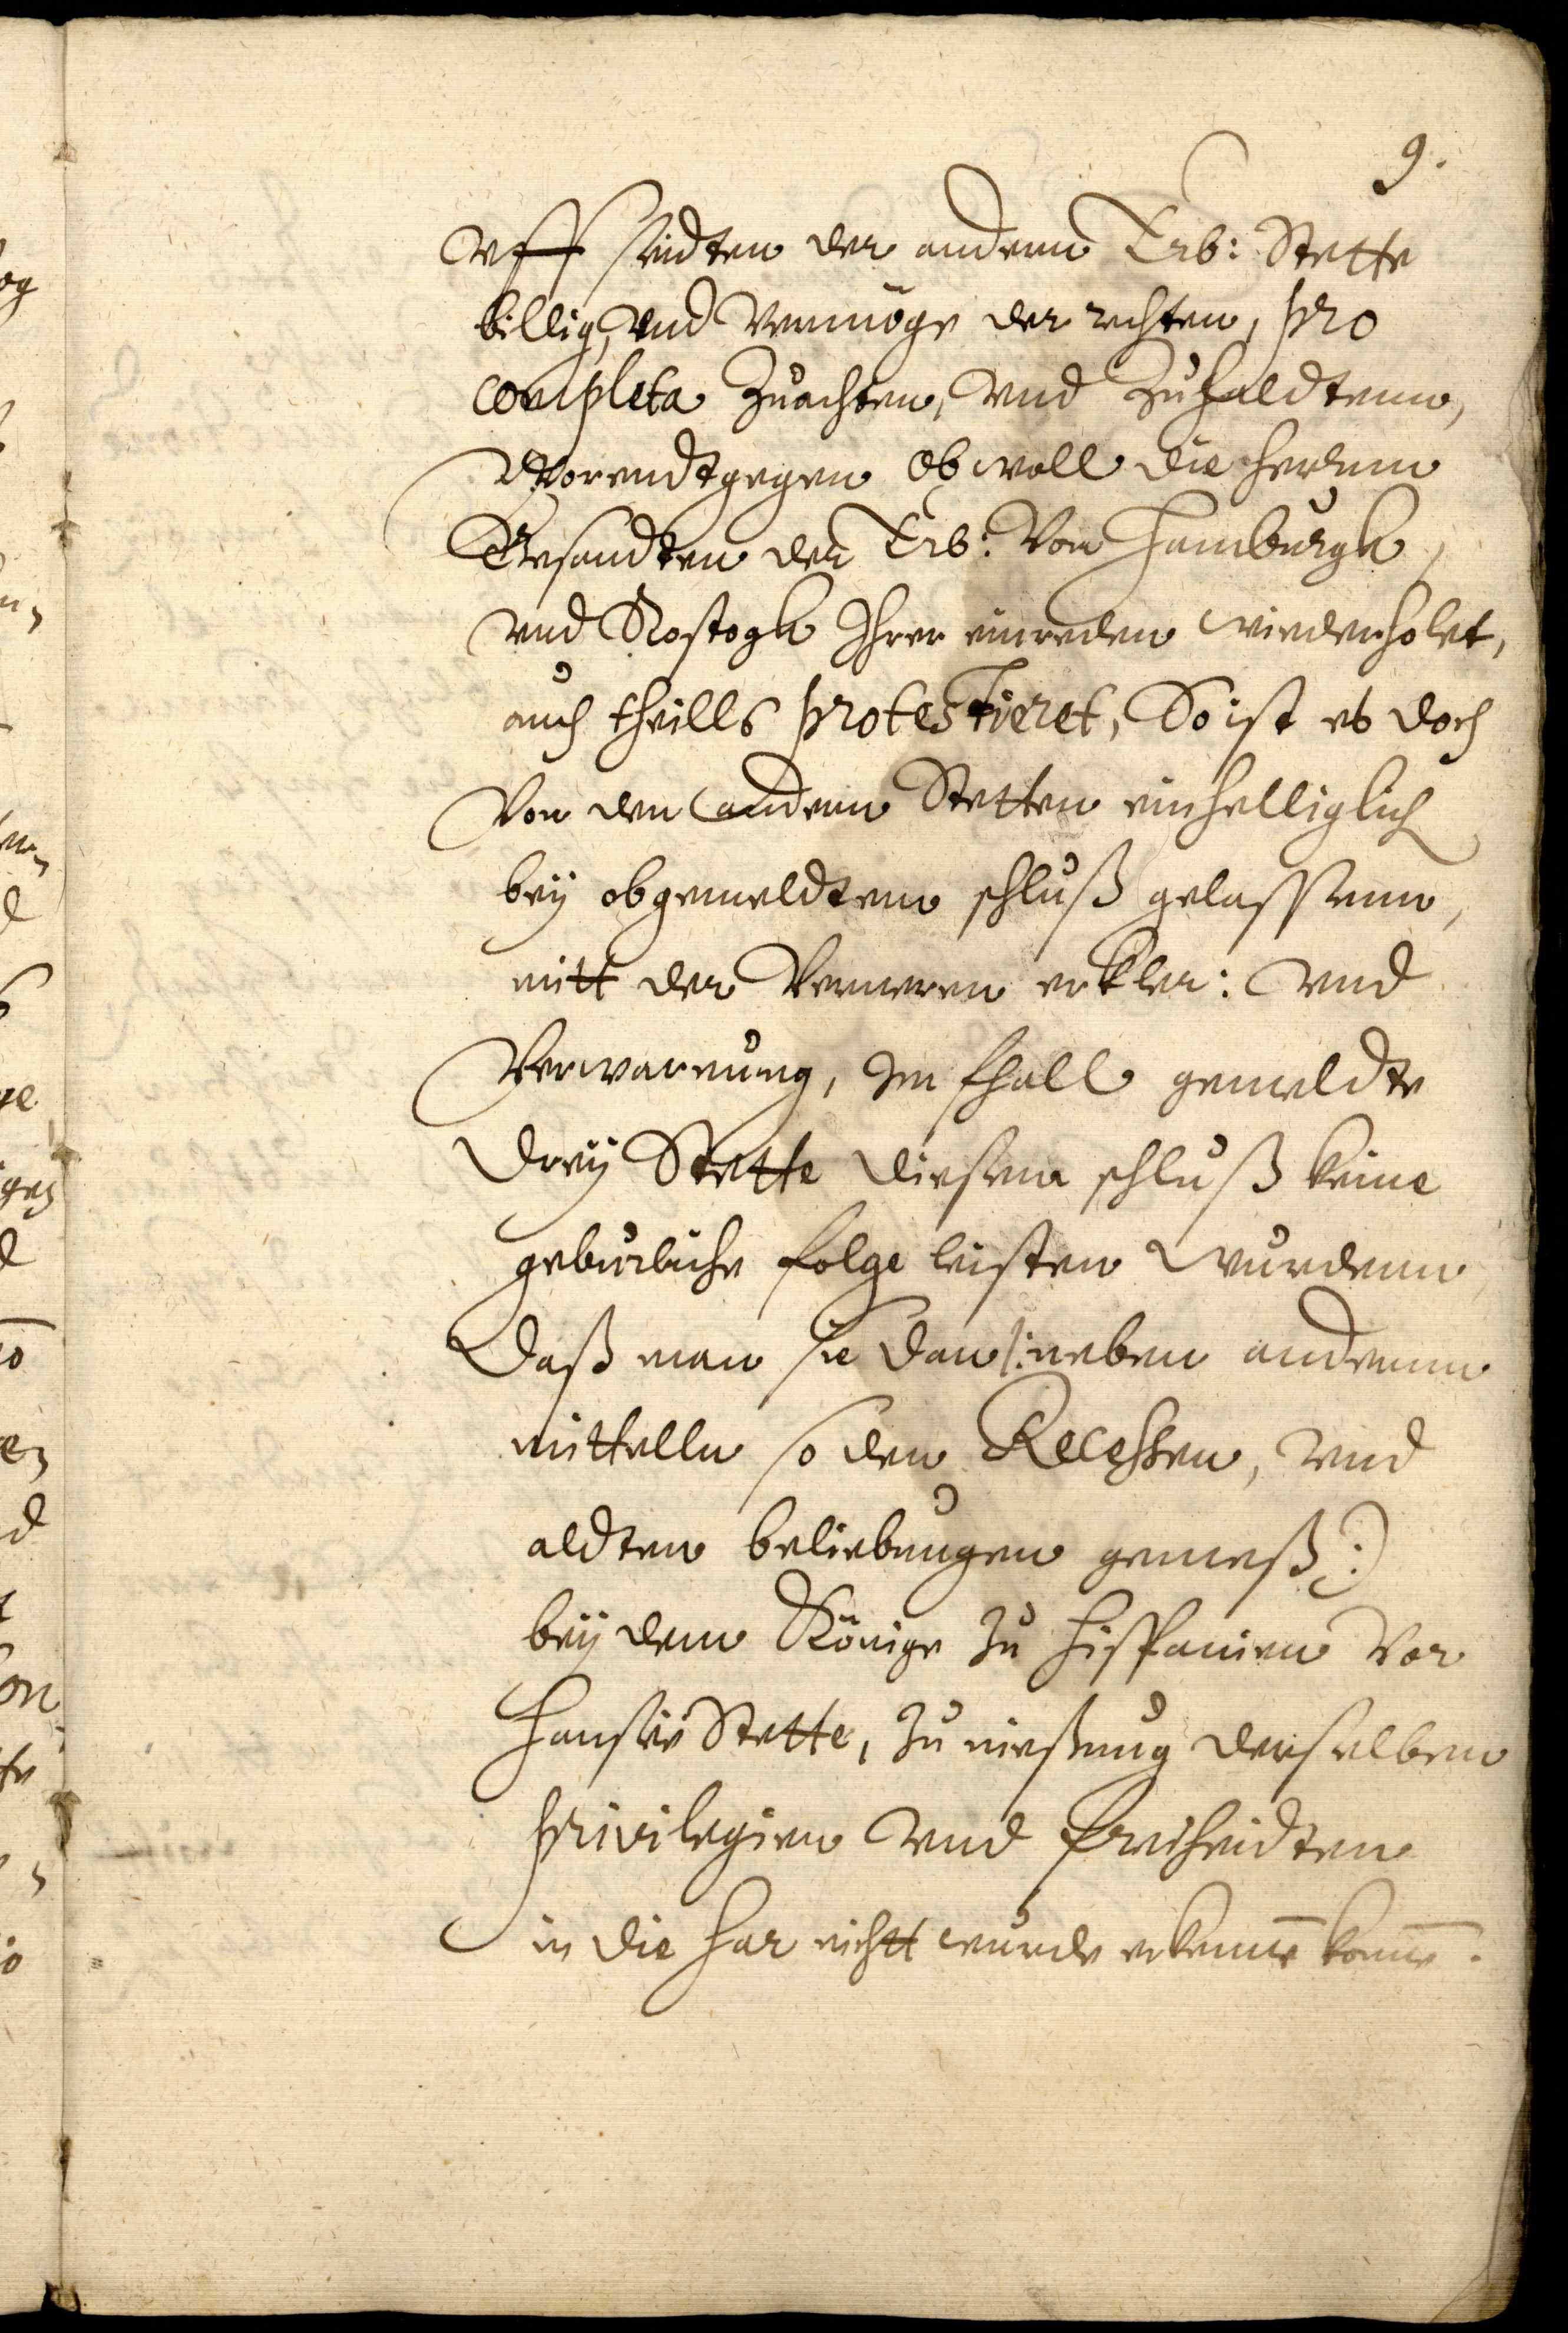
9.
vff seidten der andern Erb:Stette
billig,vnd vermoge der rechten, pro
completa Zu achten, vnd Zu haltenn,
wor endtgegen ob woll die herrnn
Gesandten der Erb:Von Hamburgk,
vnd Rostogk Ihrer einreden wiederholet,
auch theills protestiret, So ist doch
Von den andern Stetten einhelliglichen
beij obgemeldtem schluß gelassenn,
mitt der Verneren erkler: vnd
Verwarnung, im fhall gemeldte
dreij Stette diesem schluß keine
geburliche folge leisten wurdenn.
Daß man sie dan (: neben andernn
mithelln so den Recessen, vnd
aldten beliebungen gemeß :)
beij dem Könige zu hispanien Vor
hansis Stette, zu nießung derselben
privilegien vnd freiheidten
in die har nichtt wurde erkennen konnen.
